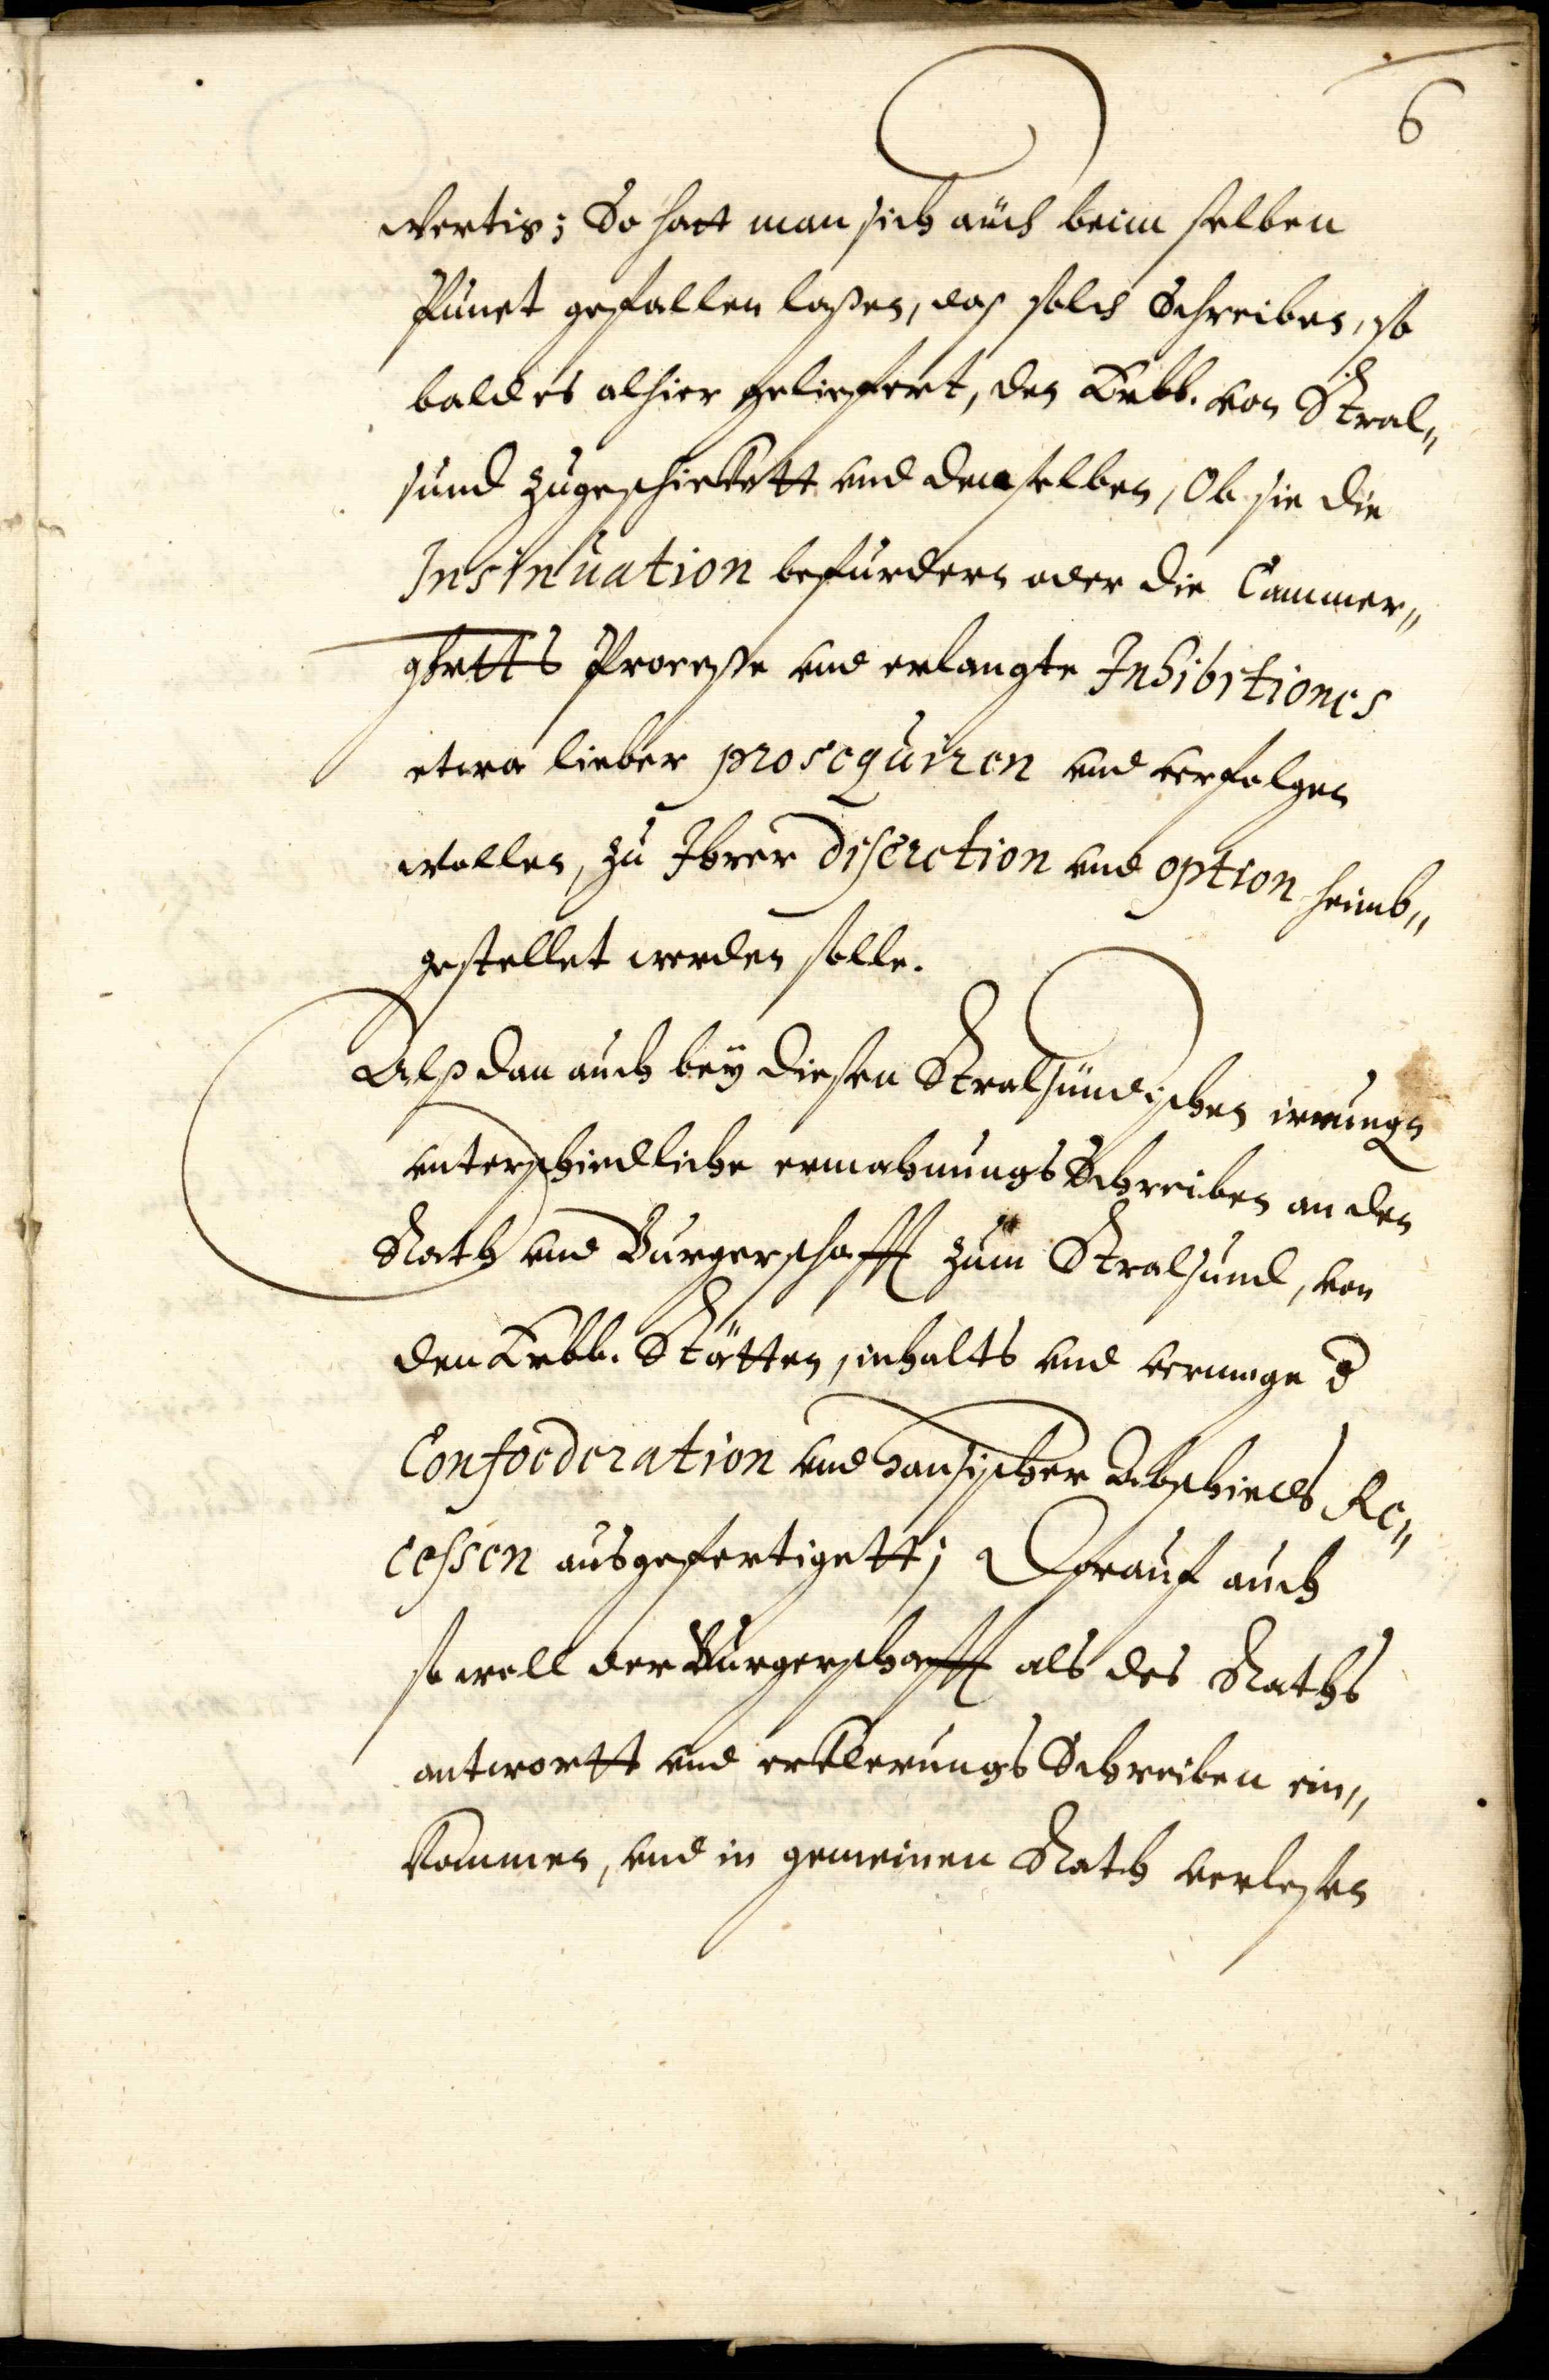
6
wertig; So hatt man sich aüch beim selben
Punct gefallen laßen, daß solch Schreiben, so
bald es alhier geliefert, den Erbb. von Stral¬
sund zugeschickett vnd denselben, Ob sie die
Insinuation befurdern oder die Cammer¬
gherichtts Proceße vnd erlangte Inhibitiones
etwa lieber prosequiren vnd verfolgen
wollen, zu Ihrer discretion vnd option heimb¬
gestellet werden solle.
Alß dan auch beij diesen Stralsündischen irrungen
vnterschiedliche ermahnungs Schreiben an den
Rath vnd Burgerschafft zum Stralsund, von
den Erbb. Stätten, inhalts vnd vermoge der
Confoederation vnd Hansischer Abschieds Re¬
cessen ausgefertigett; Dorauf auch
sowoll der Burgerschafft als des Raths
antwortt vnd erklerungs Schreiben ein¬
kommen, vnd in gemeinen Rath verlesen
